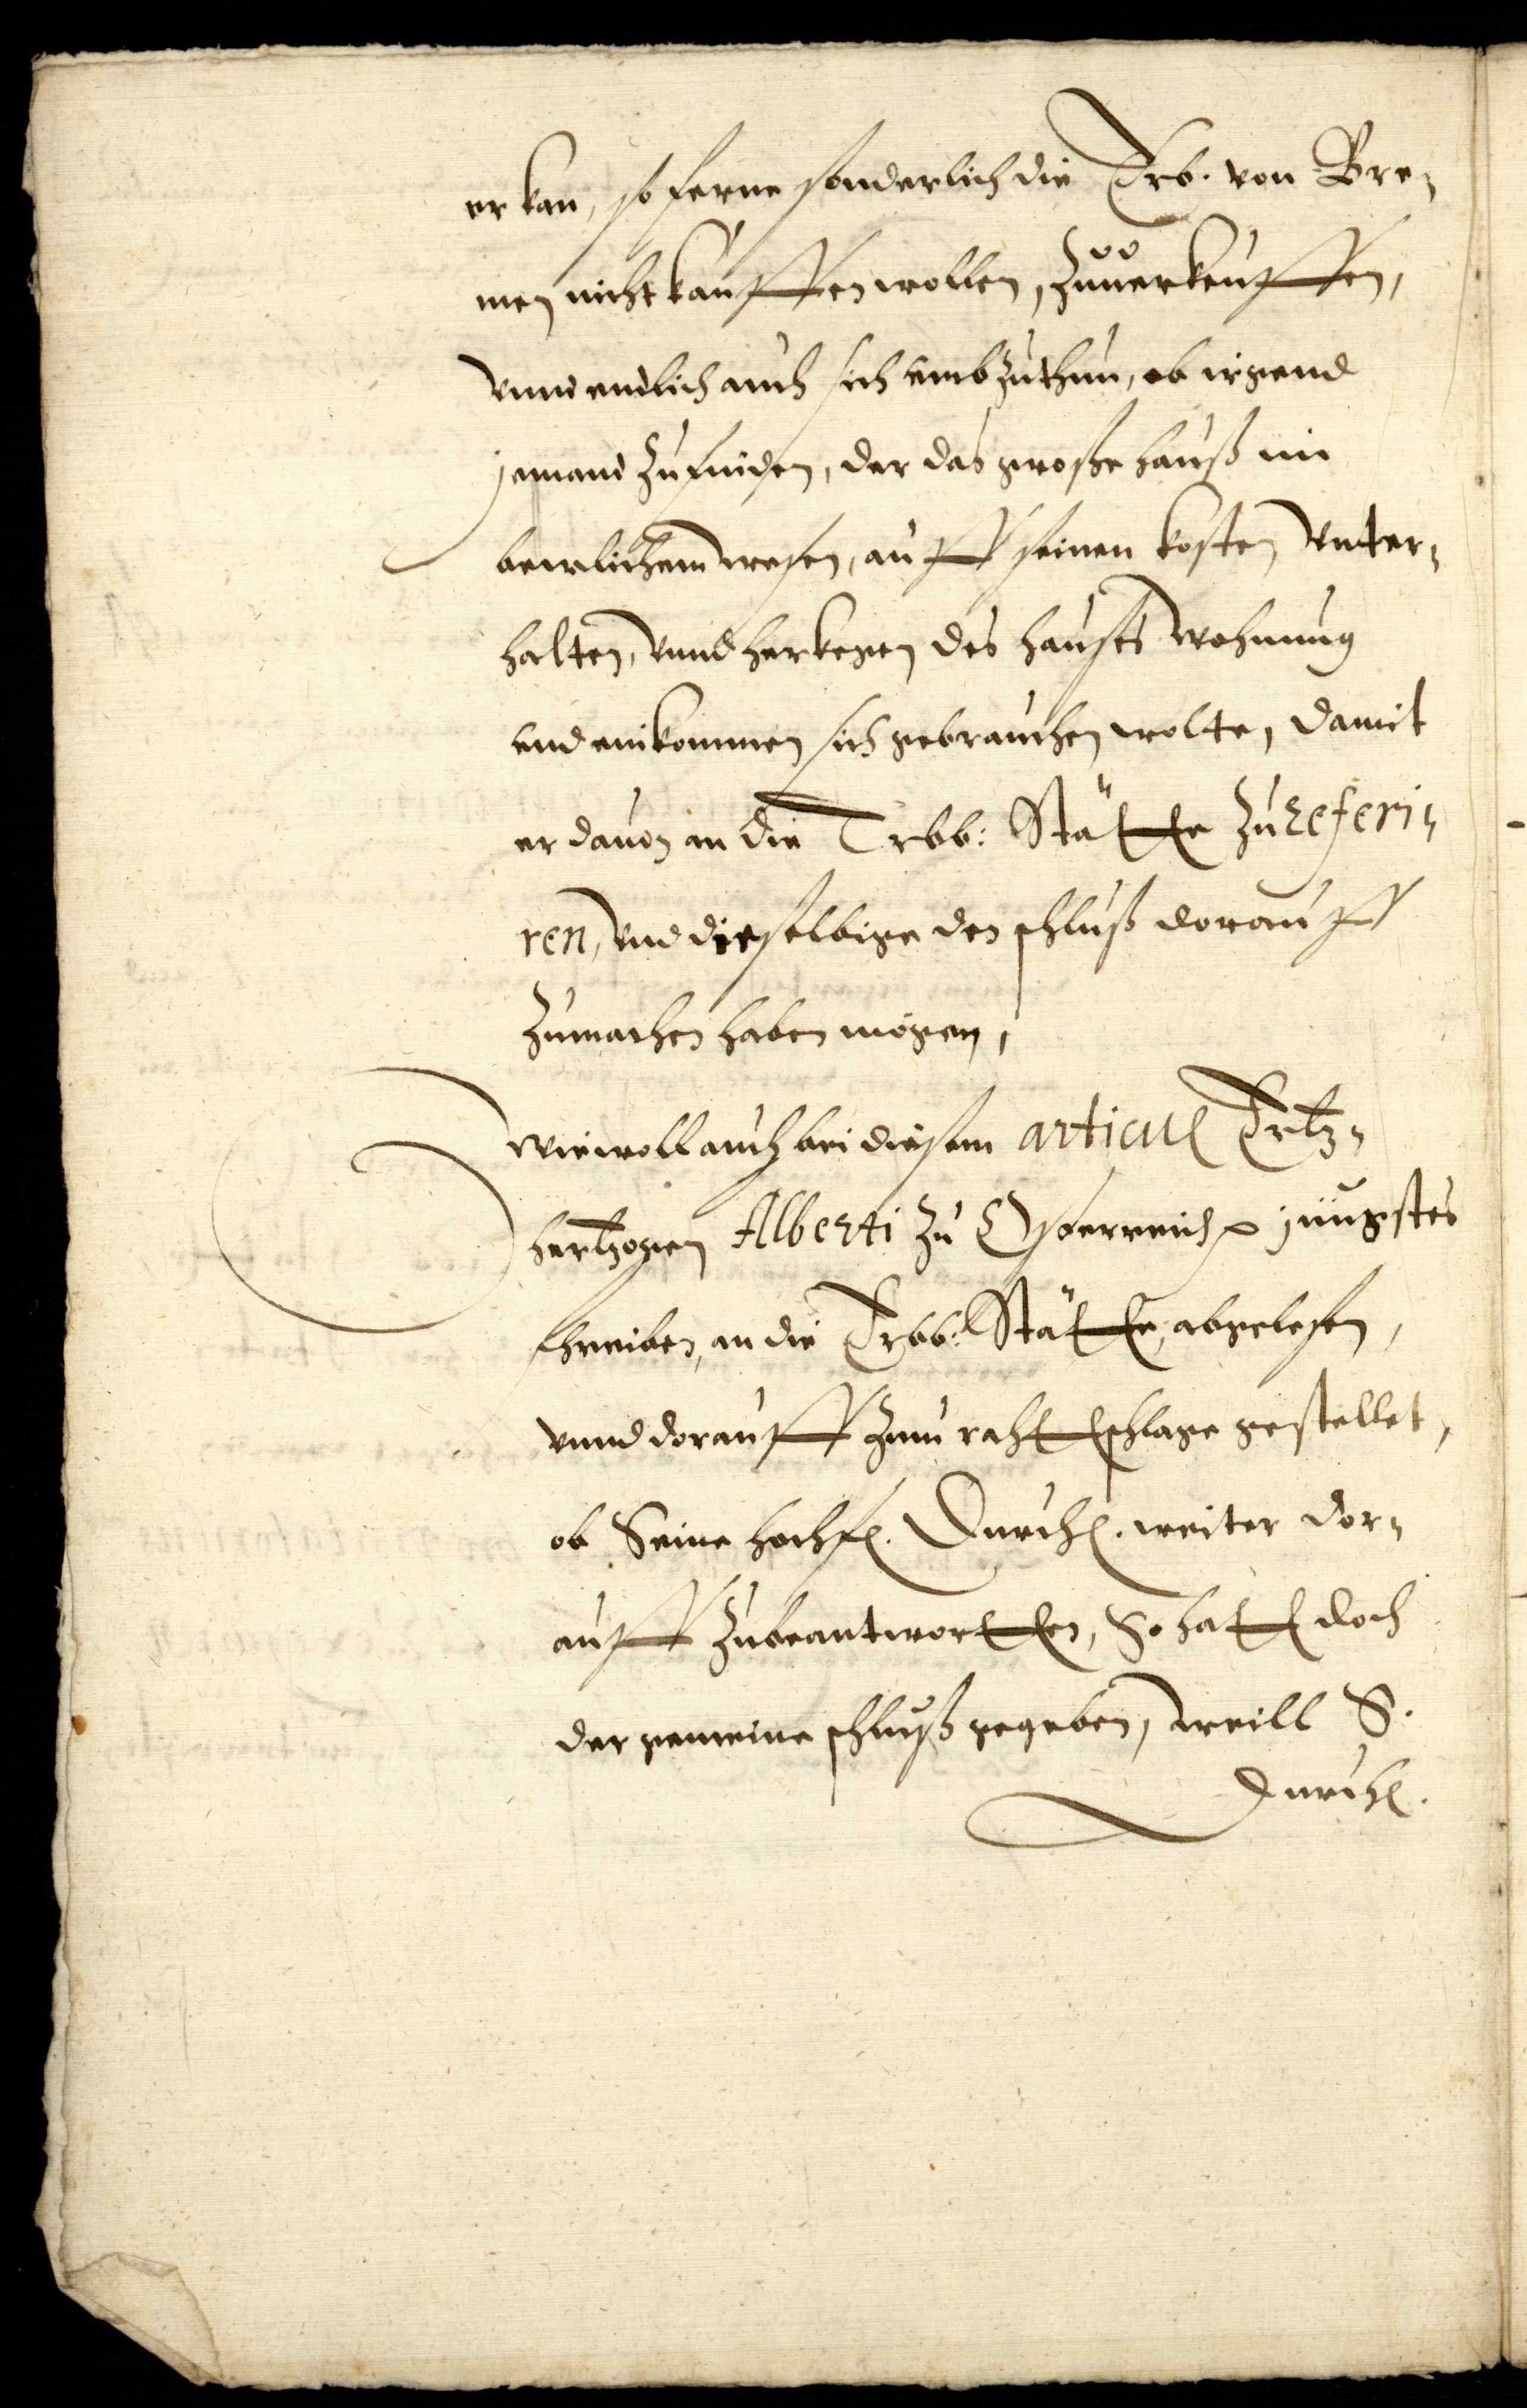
er kan, so ferne sonderlich die Erb. von Bre¬
men nicht kauffen wollen, Zuuerkeuffen,
vnnd endlich auch sich vmbzuthun, ob irgend
jemand Zu finden, der das große hauß im
bewlichem Wesen, auff seinen kosten Vter¬
halten, Vnd herkegen des hauses Wohnung
vnd einkommen sich gebrauchen wolte, damit
er dauon an die Erbb: Stätte Zu referi¬
ren, Vnd dieselbigen den schluß darauff
Zumachen haben mögen,
Wiewoll auch bei diesem articul Ertz¬
hertzogen Alberti zu Osterreich p jüngstes
schreiben, an die Erbb: Stätte, abgelesen,
vnnd darauff Zum rahttschlage gestellet,
ob Seine hochfl. Durchl. weiter dor¬
auff Zubeantwortten, So hatt doch
der gemeine schluß gegeben, Weill S.
Durchl.
